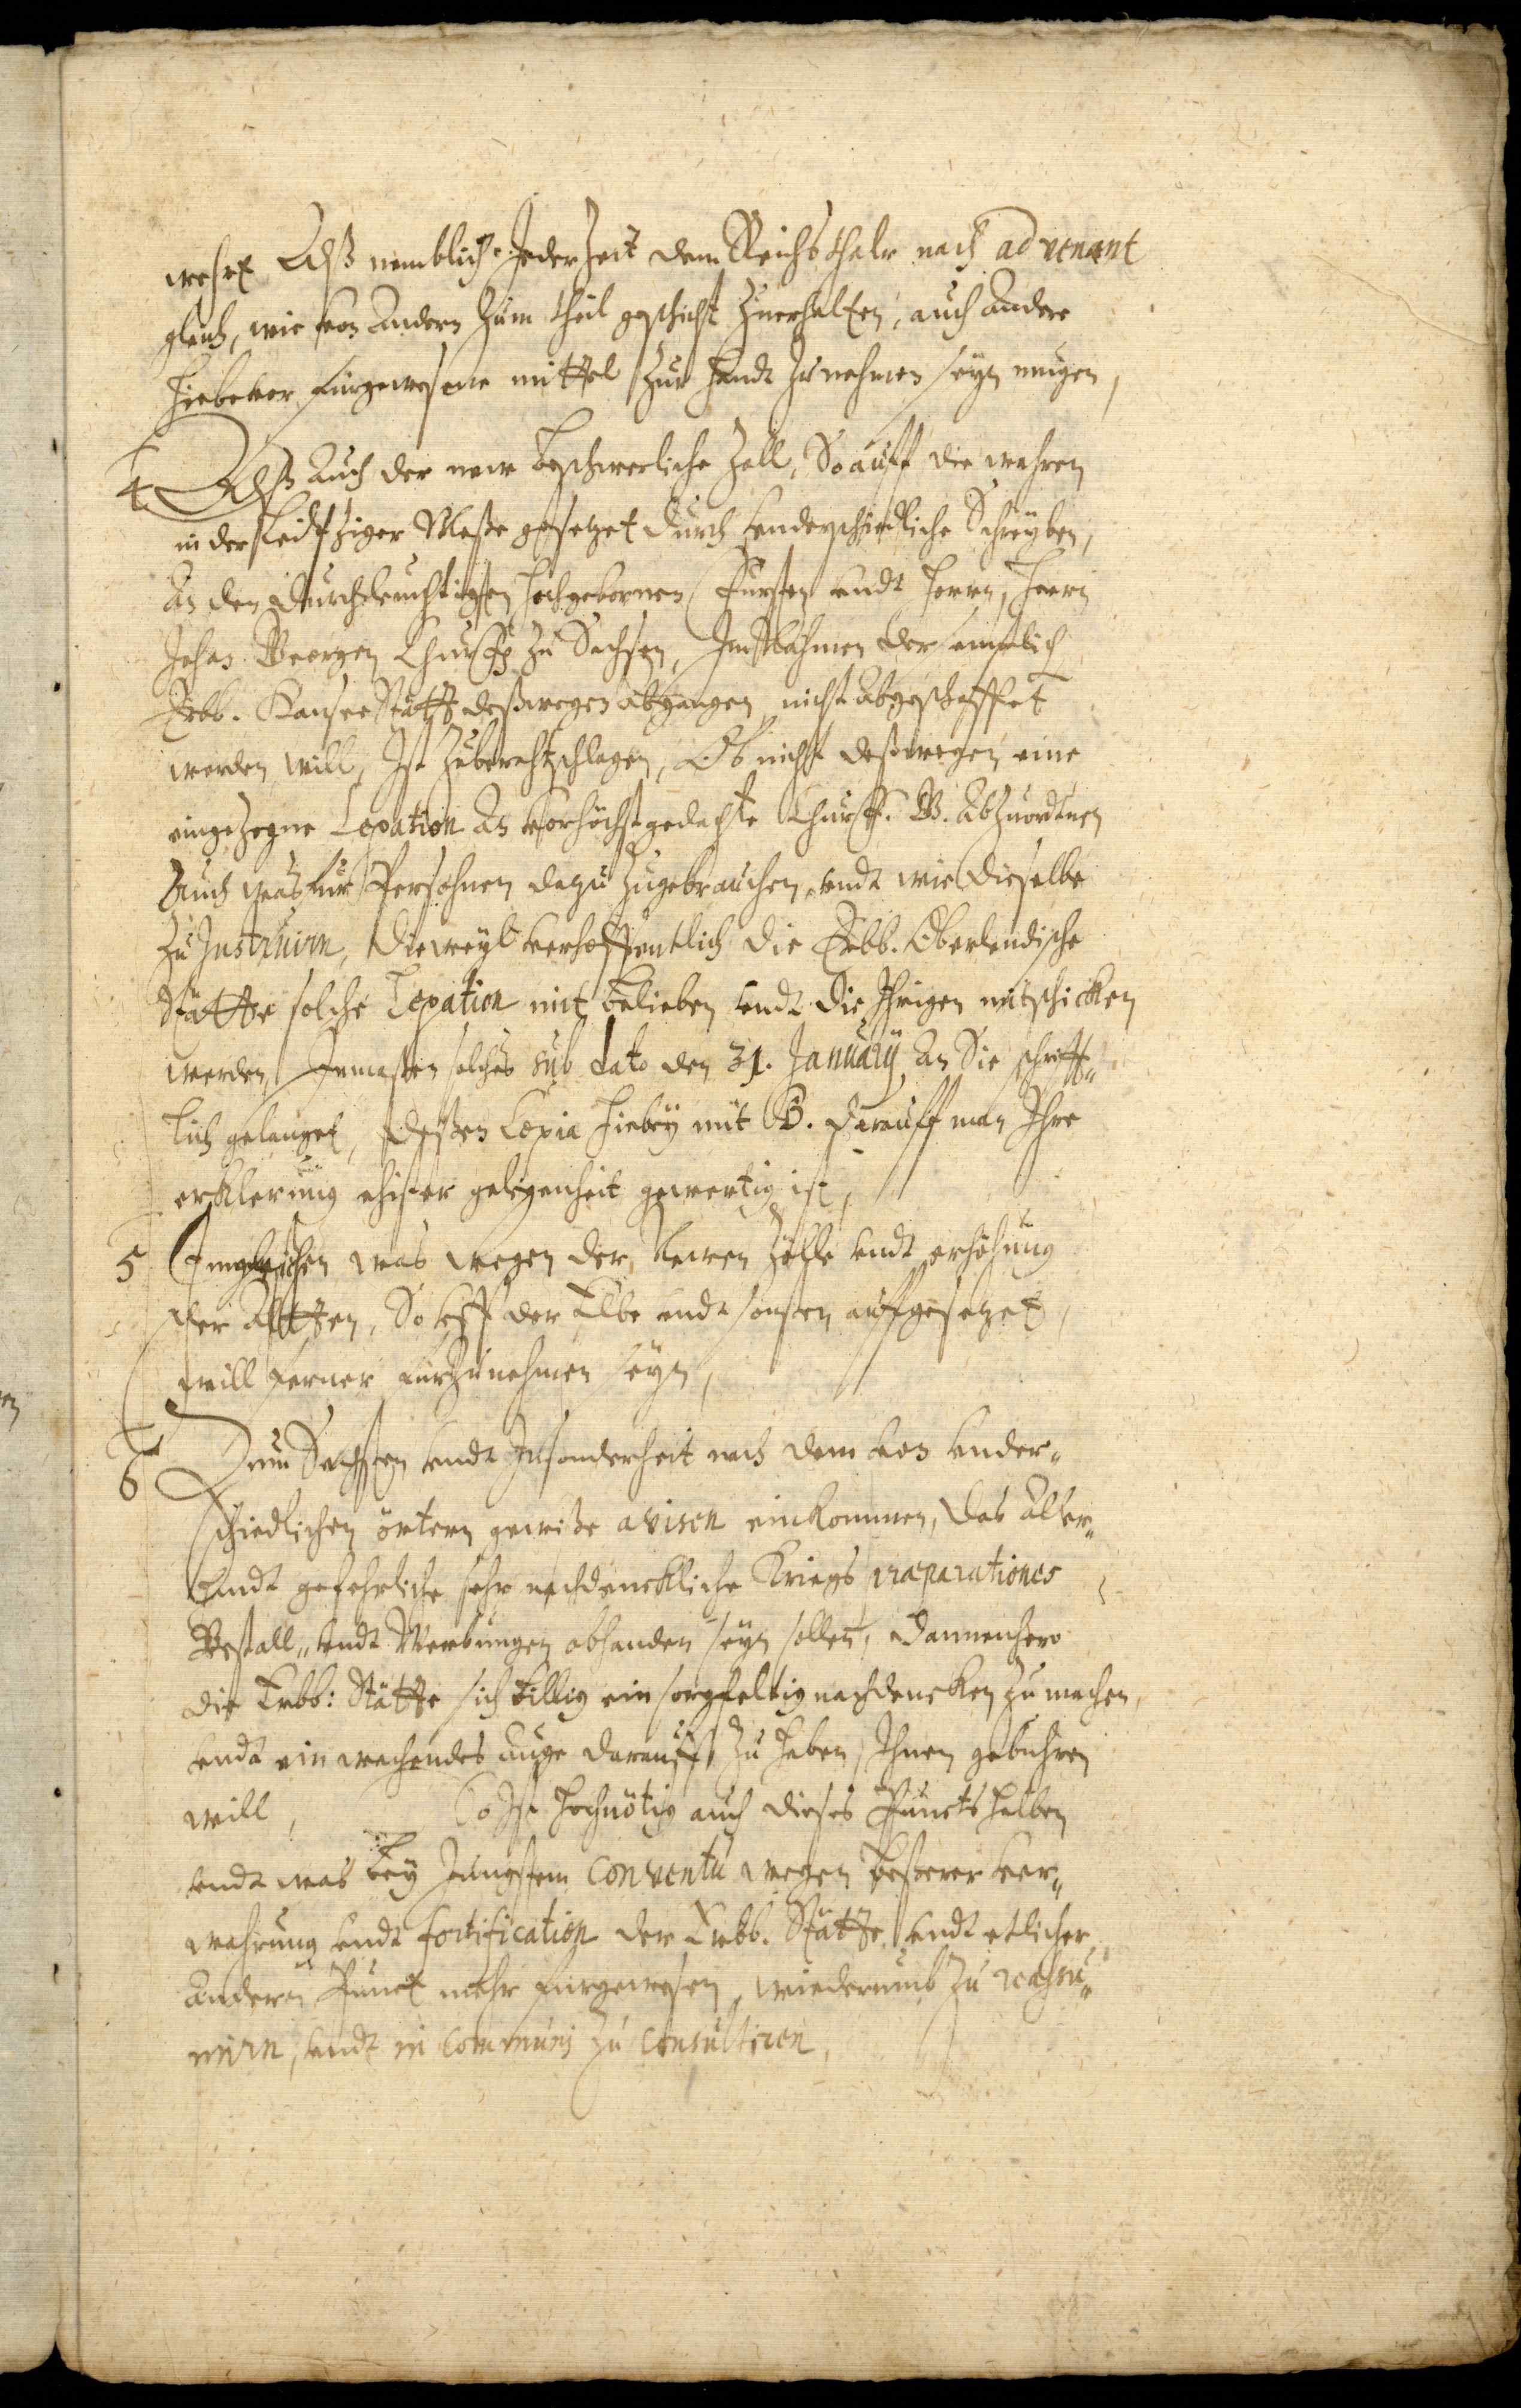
wehrt, Alß nemblich jederzeit dem Reichsthalr nach ad renant
gleich, wie von Andern zum theil geschicht zuerhalten, auch Ander
hiebevor furgewesene mittel zur handt zu nehmen seÿn mugen,
Alß auch der new beschwerliche Zoll, So auff die wahren
in der Leipziger Meße gesetzet durch vnderschiedliche Schreijben,
An den durchleuchtigsten hochgebornen Fursten vndt herrn, herrn
Johan Georgen Churft zu Sachsen, Im Nahmen der semptlichen
Erbb. Hansee Stätt deßwegen Abgangen, nicht Abgeschaffet
werden will, Ist zuberahtschlagen, Ob nicht deßwegen eine
eingezogne Legation An vorhöchst gedachte Churff. G. Abzuordtnen
Auch was fur Persohnen dazu zugebrauchen, vndt wie dieselbe
zu Instruirn, dieweijl verhoffentlich die Erbb: Oberlendische
Stätte solche Legation mit belieben, vndt die Ihrigen mitschicken
werden, Inmaßen solches sub dato den 31. Januarij An Sie schrift¬
lich gelanget, deßen Copia hiebeij mit B. darauff man Ihre
erklerung ehister gelegenheit gewertig ist,
Imgleichen was wegen der Newen Zölle vndt erhöhung
der Altten, So vff der Elbe vndt sonsten auffgesetzet,
will ferner furzunehmen seijn,
Zum Sechsten vndt Insonderheit nach dem von vnder¬
schiedlichen örtern gewiße avisen einkommen, das Aller¬
handt gefehrliche sehr nachdenckliche Kriegs praeparationes
Bestall,, vndt Werbungen obhanden seijn sollen, dannenhero
die Erbb: Stätte sich billig ein sorgfeltig nachdencken zu machen,
vndt ein wachendes Auge darauff zu haben, Ihnen gebuhren
will, So Ist hochnötig auch dieses Puncts halben
vndt was beij Jungstem Conventu wegen beßerer ver¬
wahrung vndt fortification der Erbb. Stätte vndt etlicher
Andern Punct mehr furgewesen, wiederumb zu reahni¬
mirn, vndt in communi zu consultiren,
4
5
6
